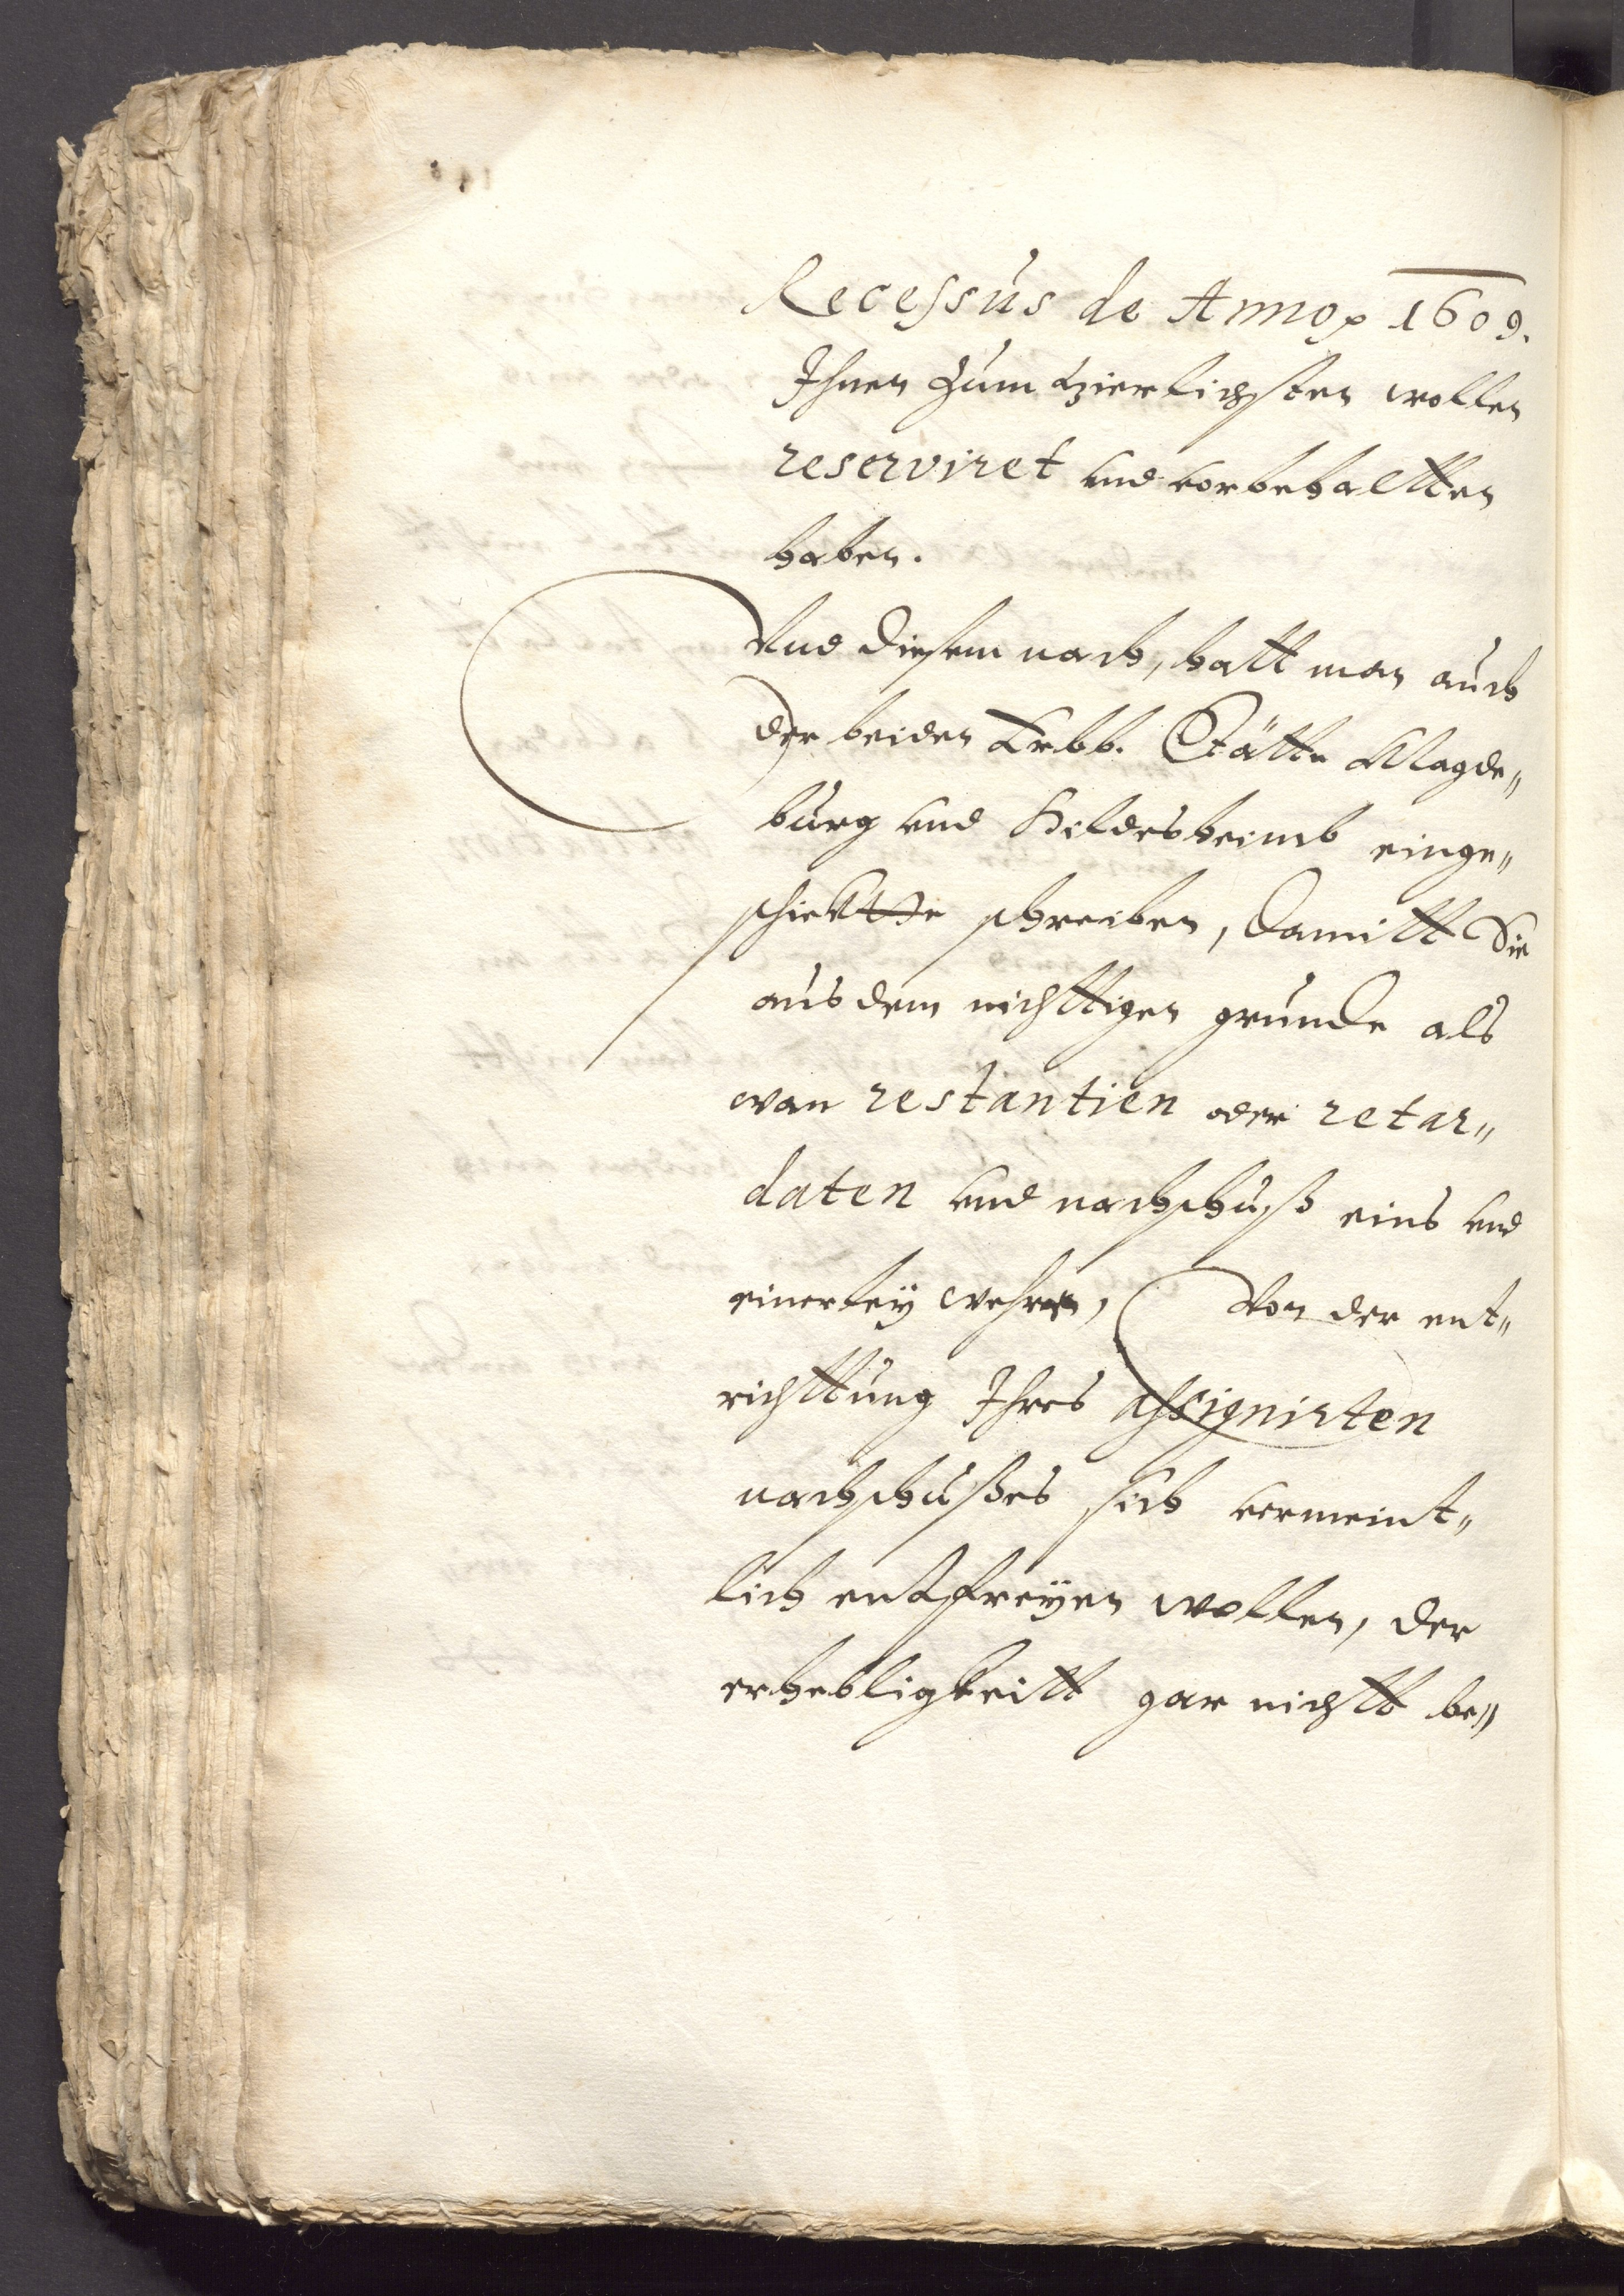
Recessus de Anno p 1609.
Ihen zum tzierlichsten wollen
reserviret vnd vorbehaltten
haben.
Vnd diesem nach, hatt man auch
der beiden Erbb. Stätte Magde¬
burg vnd Hildesheimb einge¬
schicktte schreiben, damitt Sie
aus dem nichttigen grunde als
wan restantien oder retar¬
daten vnd nachschuß eins vnd
einerleij wehren, von der ent¬
richttung Ihres ahsignirten
nachschußes sich vermeint¬
lich entfreijen wollen, der
erhebligkeitt gar nichtt be¬
